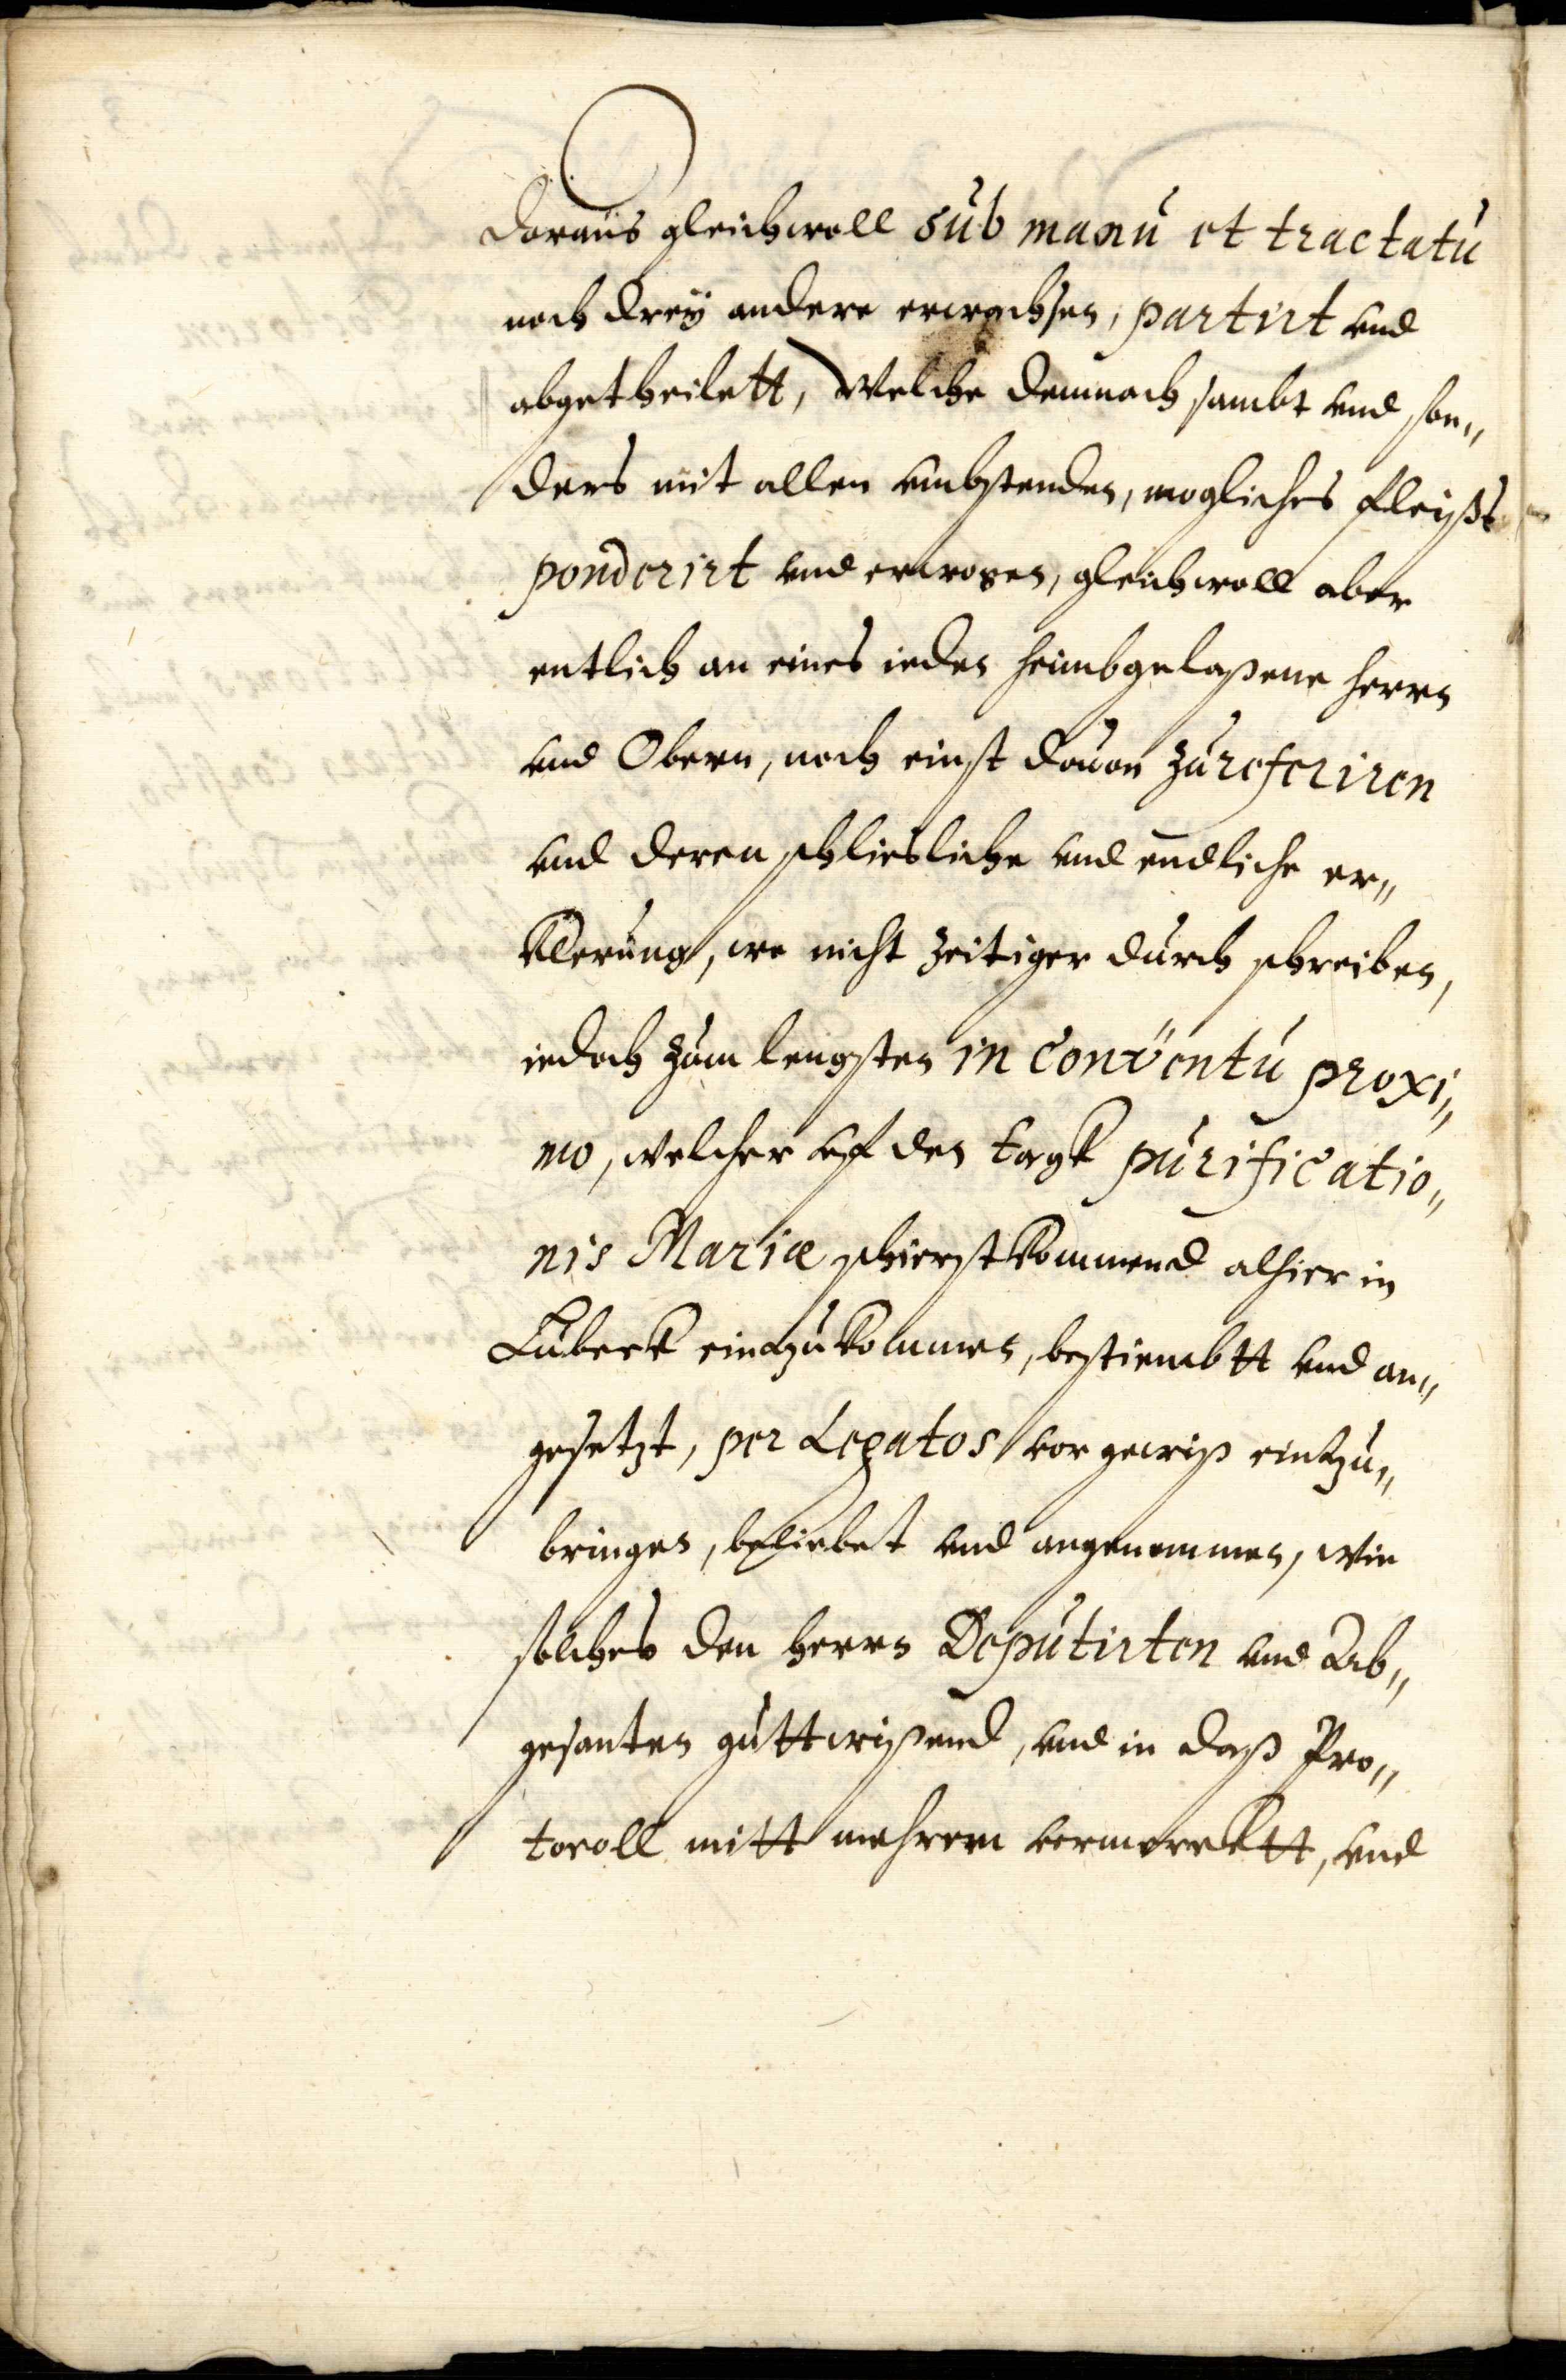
daraus gleichwoll sub manu et tractatu
noch dreij andere erwachsen, partirt vnd
abgetheilett, Welche demnach sambt vnd son¬
ders mit allen vmbstenden, mogliches fleißs
ponderirt vnd erwogen, gleichwoll aber
entlich an eines ieden heimbgelaßene herrn
vnd Obern, noch einst dauon zureferiren
vnd deren schliesliche vnd endliche er¬
klerung, wo nicht zeitiger durch schreiben,
iedoch zum lengsten in conventu proxi¬
mo, welcher vf den tagk purificatio¬
nis Mariae schierstkommend, alhier in
Lubeck eintzukommen, bestiembtt vnd an¬
gesetzt, per Legatos vor gewiß eintzu¬
bringen, beliebet vnd angenommen, wie
solches den herrn Deputirten vnd Ab¬
gesanten guttwißend, vnd in daß Pro¬
tocoll mitt mehrem vermerektt, vnd
